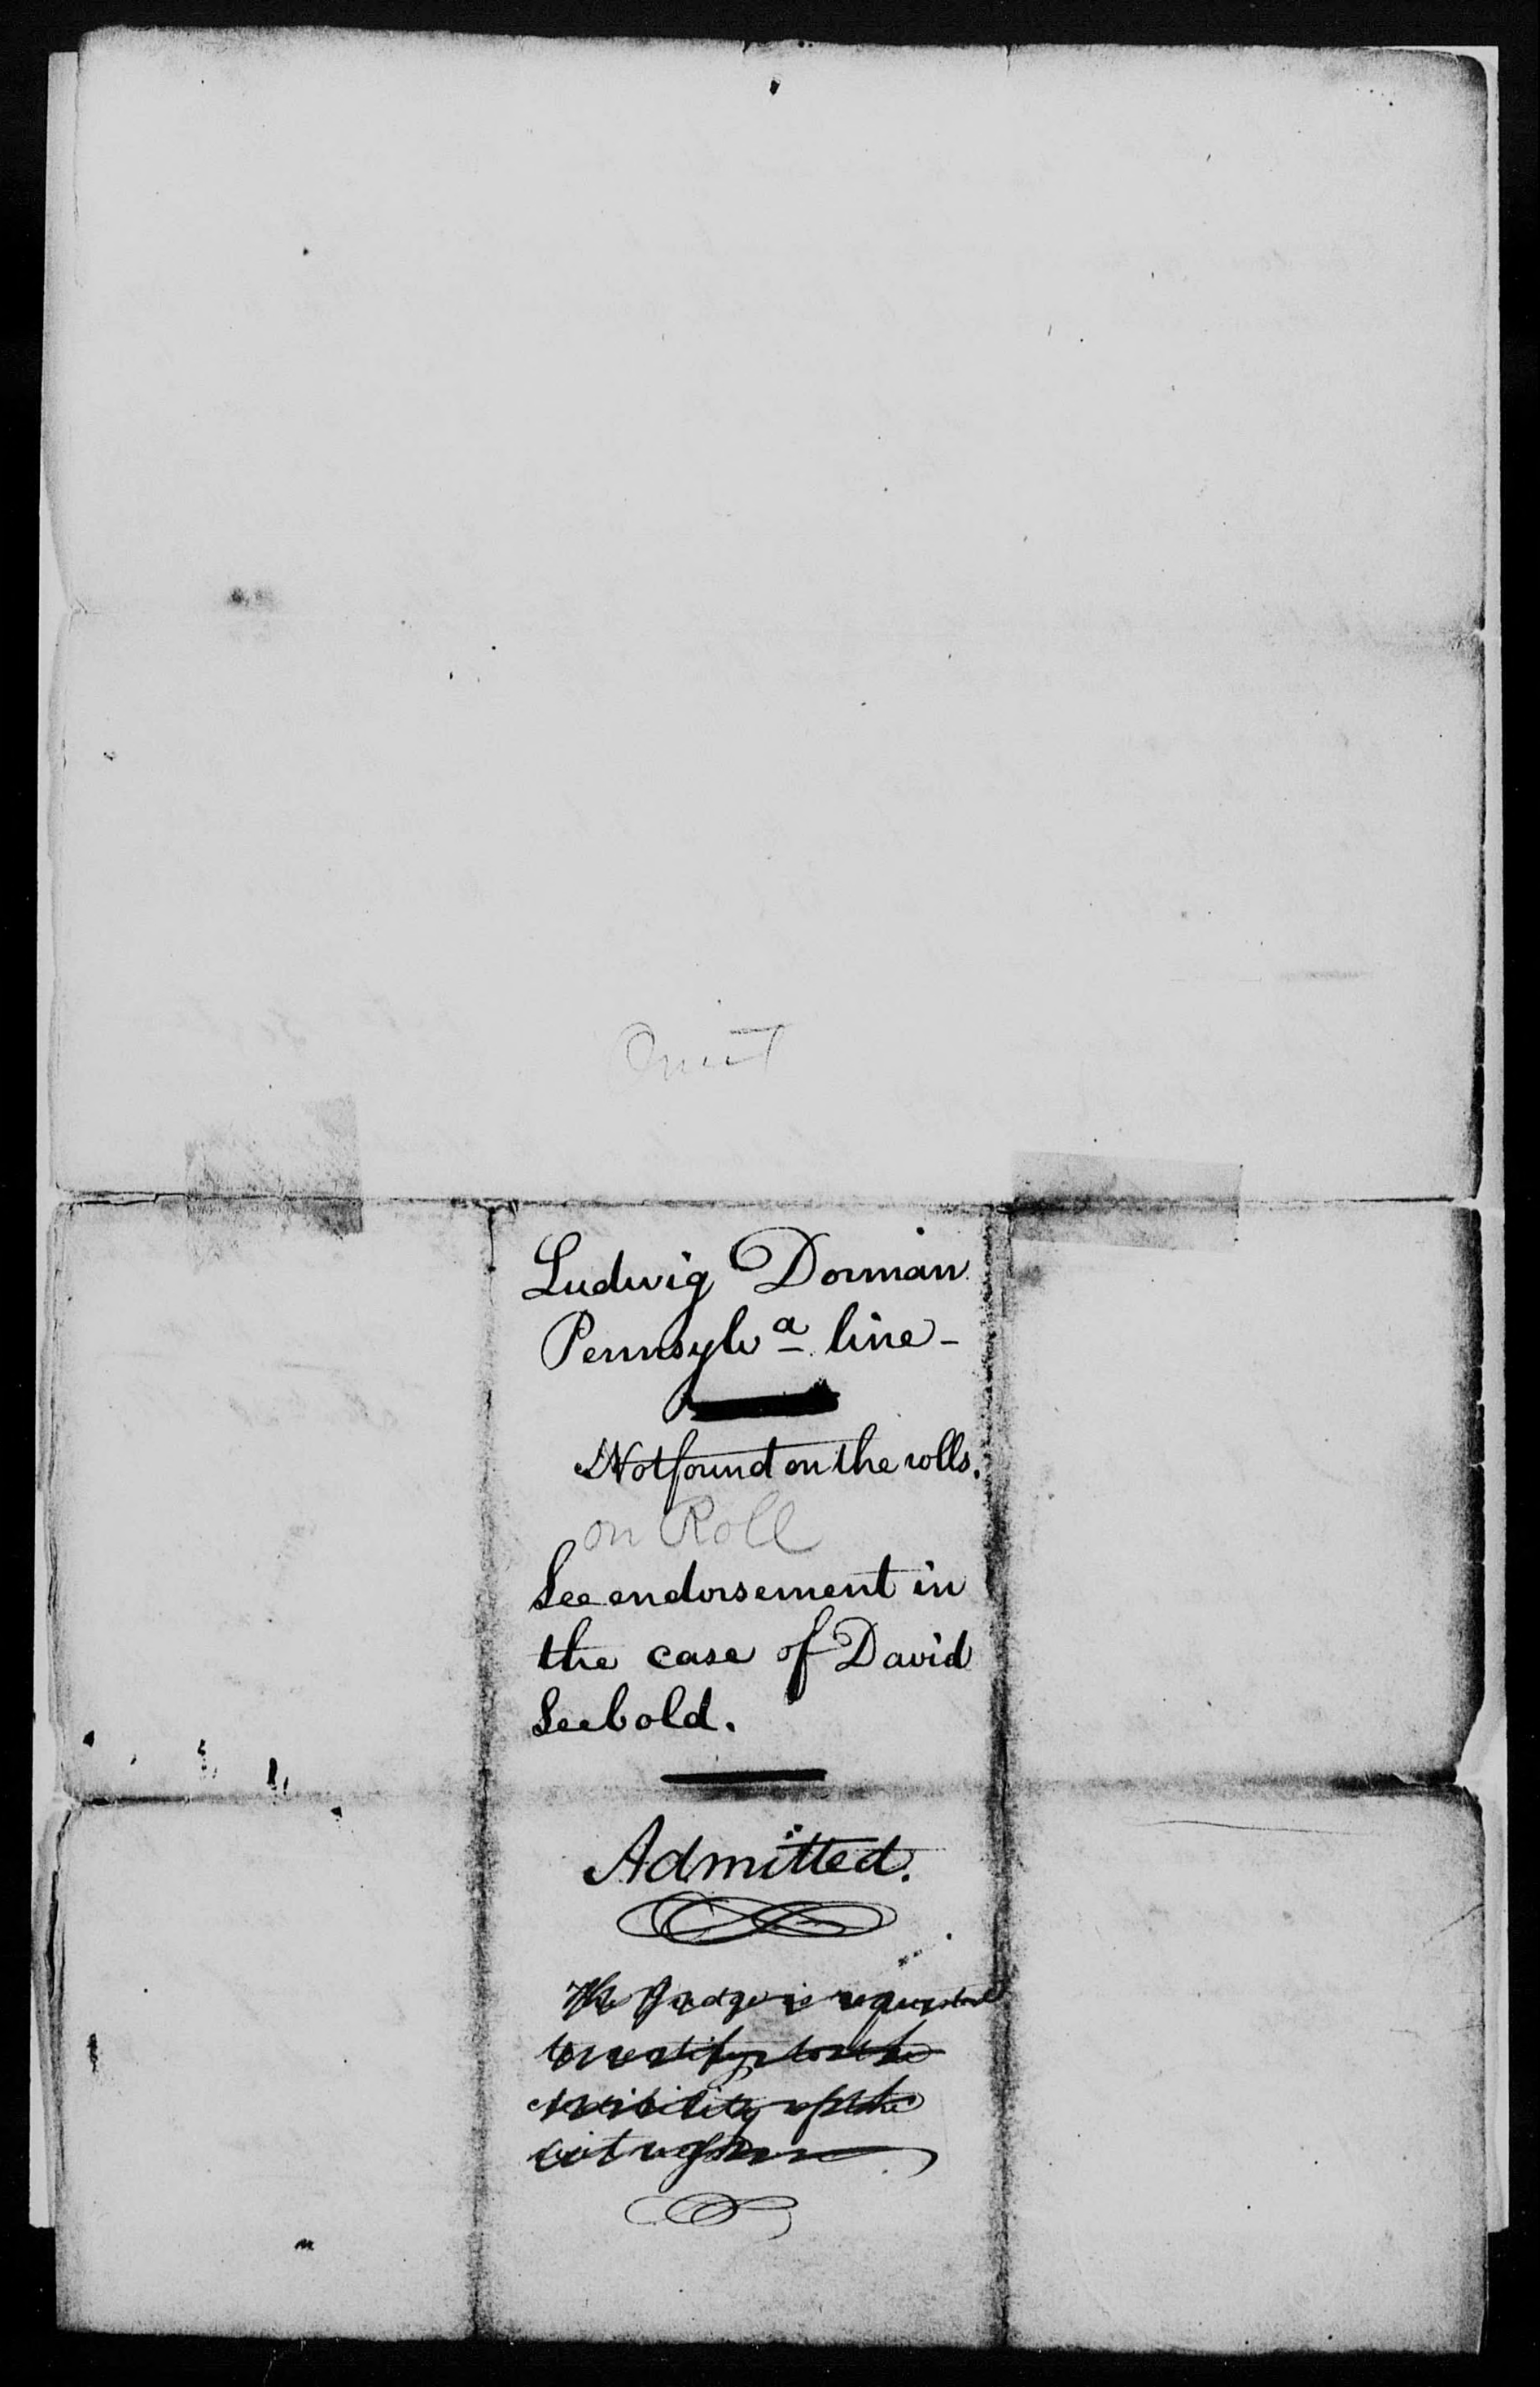Ludwig Dorman
Pennsylva line-
Not found on the rolls
on Roll
See endorsement in
the case of David Seebold,
Admitted.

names: David Seebold, Ludwig Dorman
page: 15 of 16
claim: survivor's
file: S. 42,175, Ludwig Dorman, Penn.